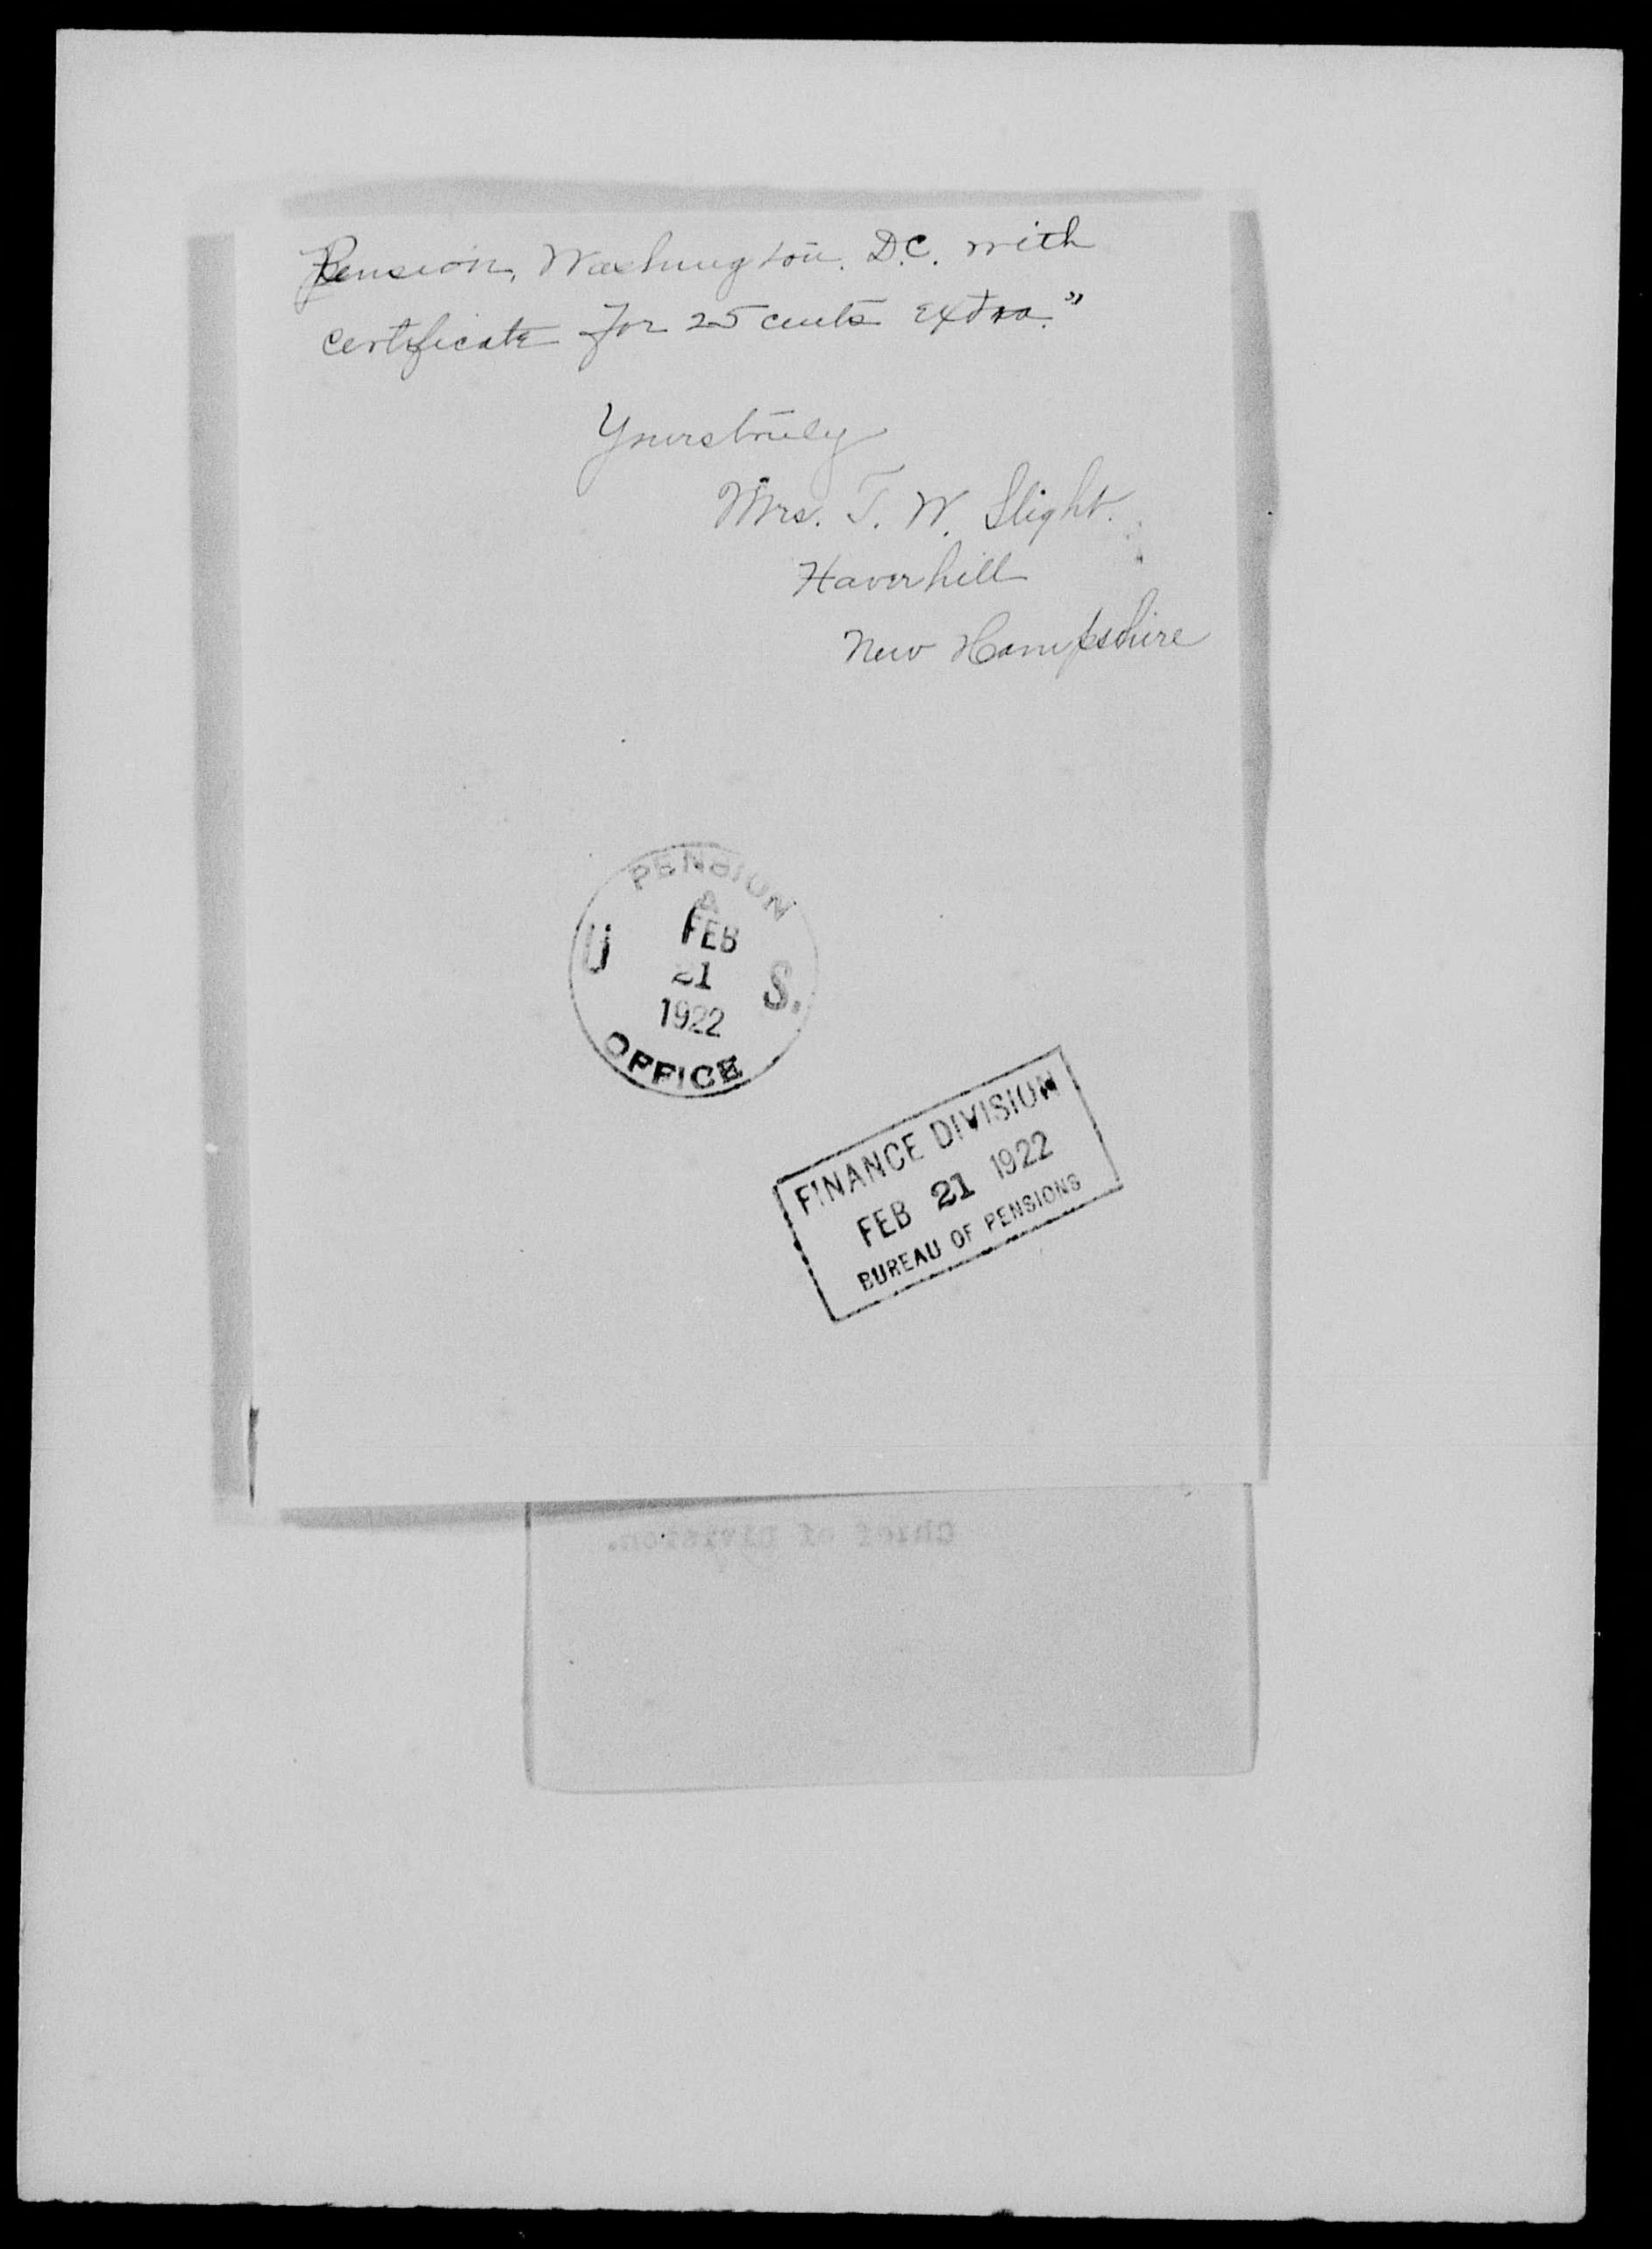Pension, Washington D.C. with
certificate for 25 cents Extra" 

Yours truly
Mrs. F.W. Slight
Haverhill
New Hampshire

(stamp -- U. S. PENSION OFFICE
FEB 21 1922)

(stamp -- FINANCE DIVISION  FEB 21 1922 BUREAU OF PENSIONS)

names: F W Slight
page: 16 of 17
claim: rejected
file: R. 4989, Ephraim Hildreth, N.H.